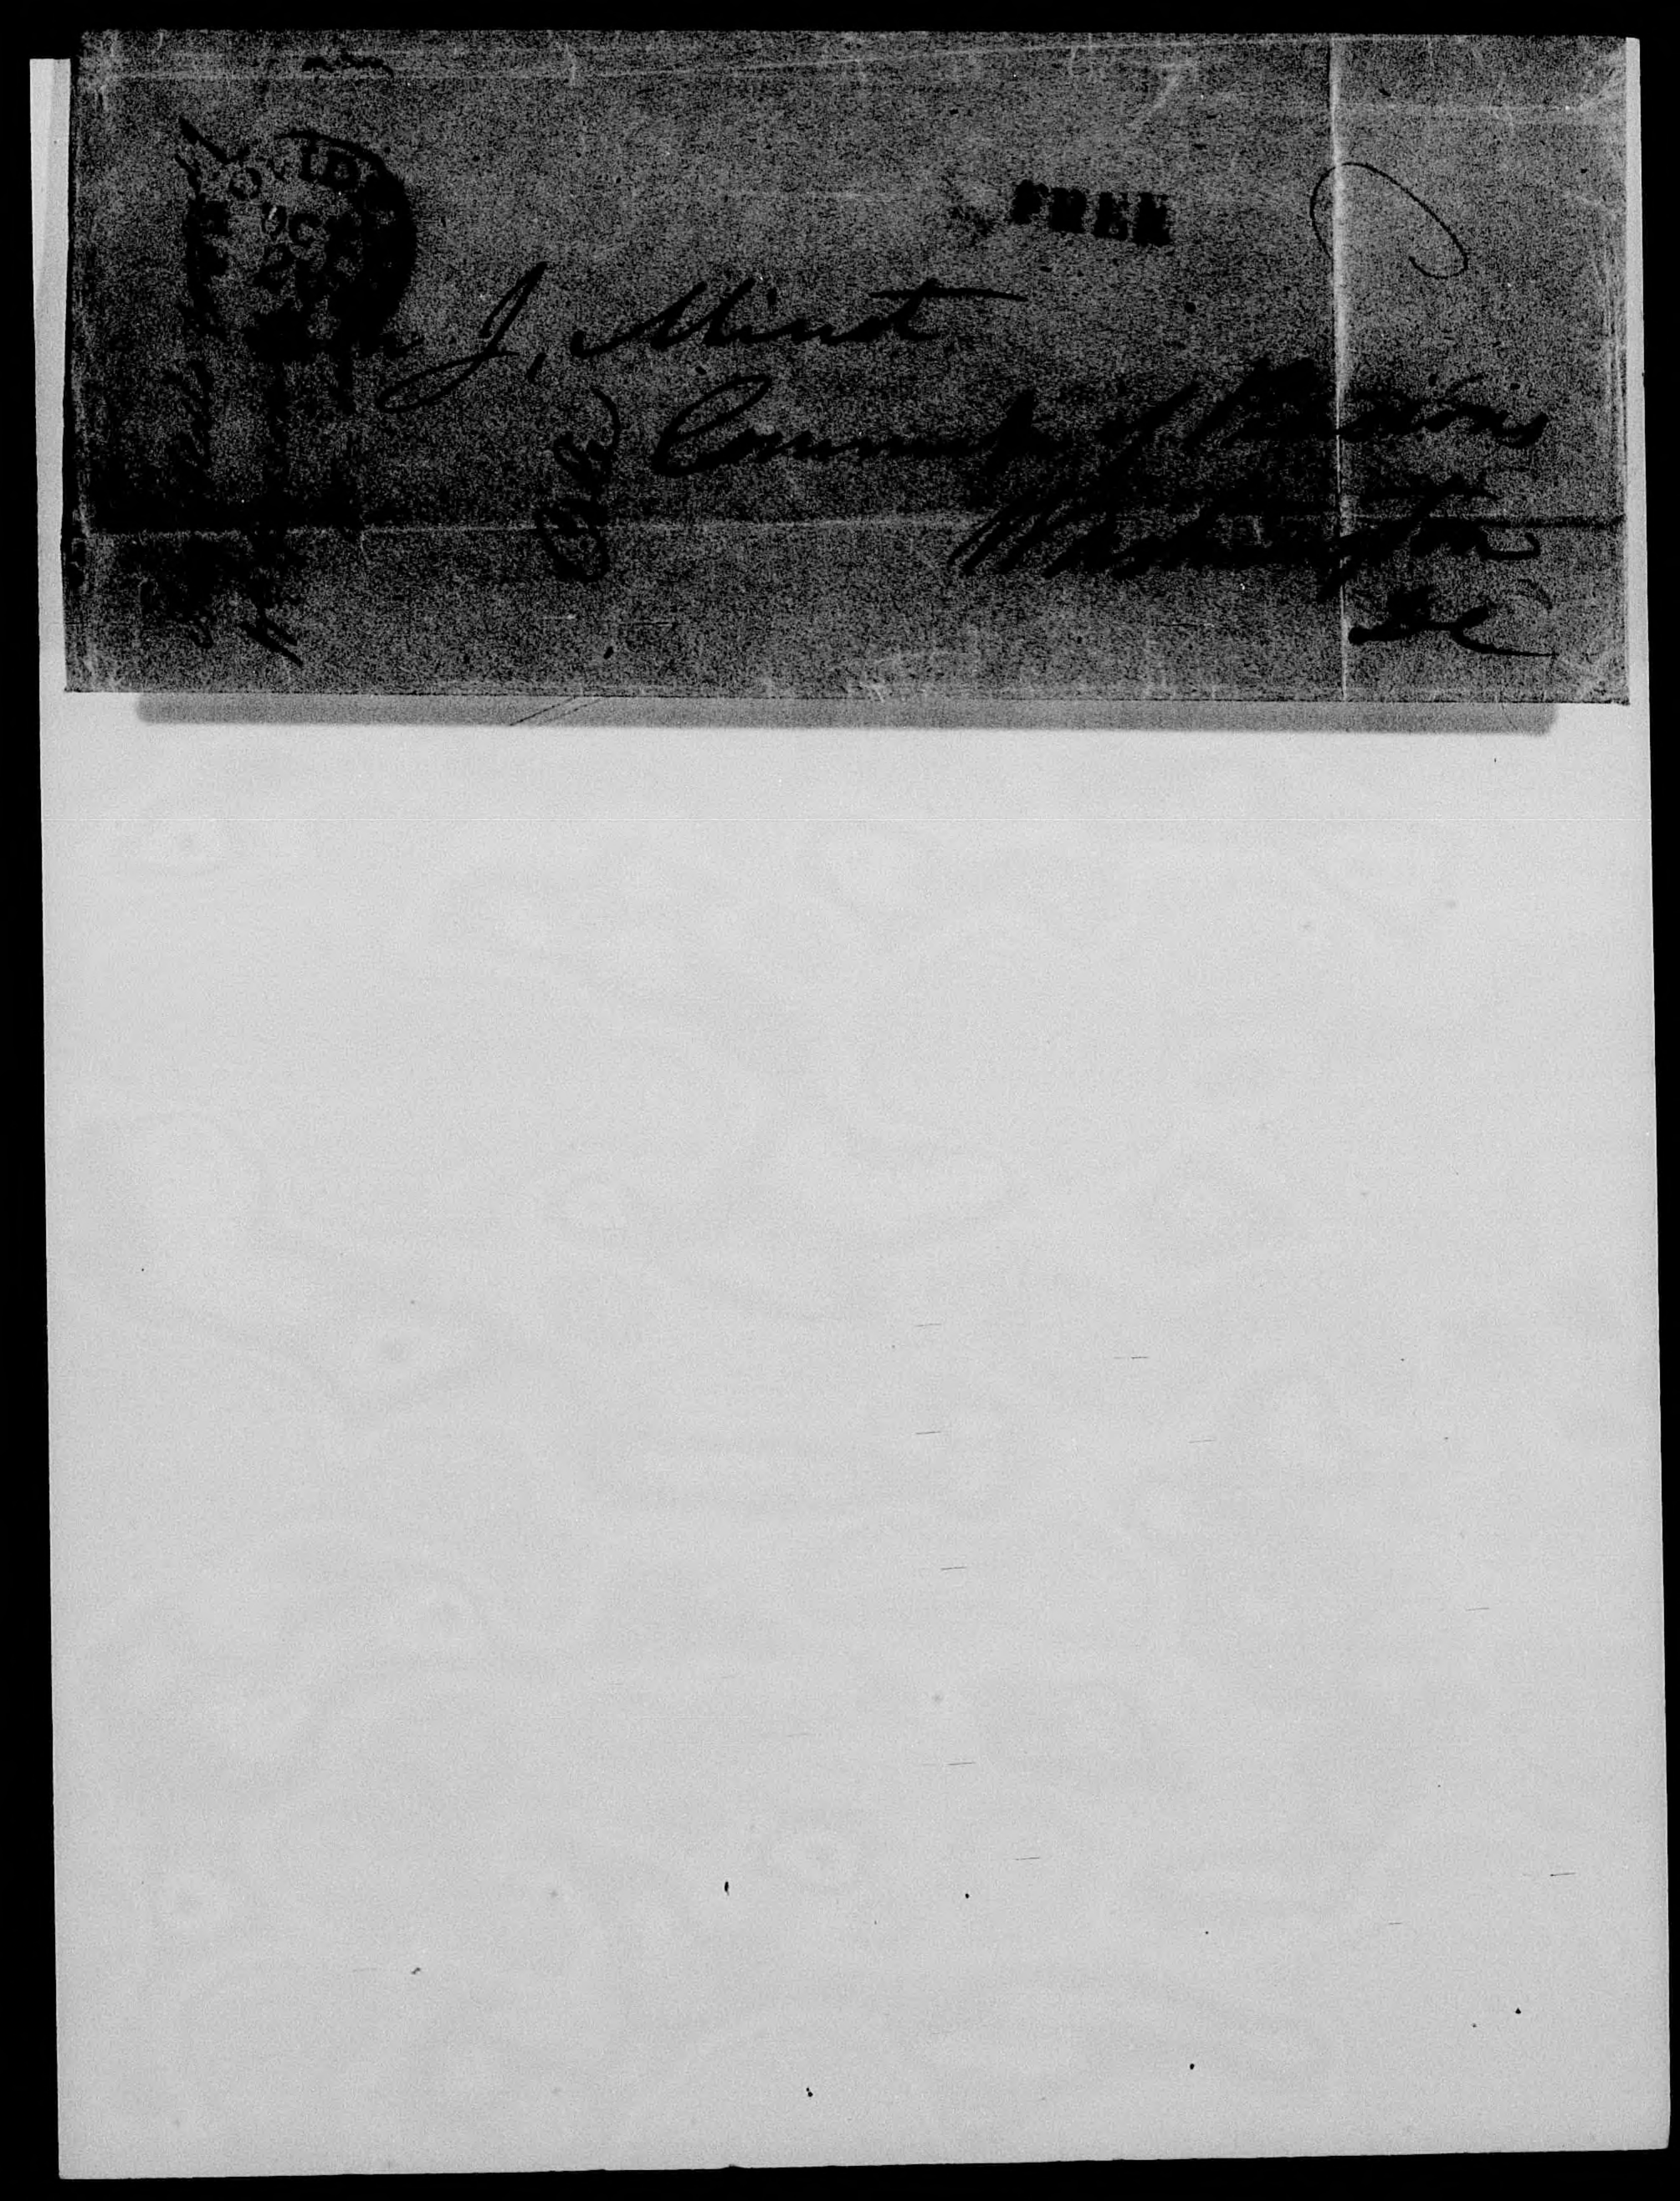[postmark]
OCT
[illegible]

FREE

J. Minot
Commissr of Pensions
Washington DC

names: J Minot, Cole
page: 72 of 76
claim: widow's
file: W. 15,517, William Gadcomb, R.I.